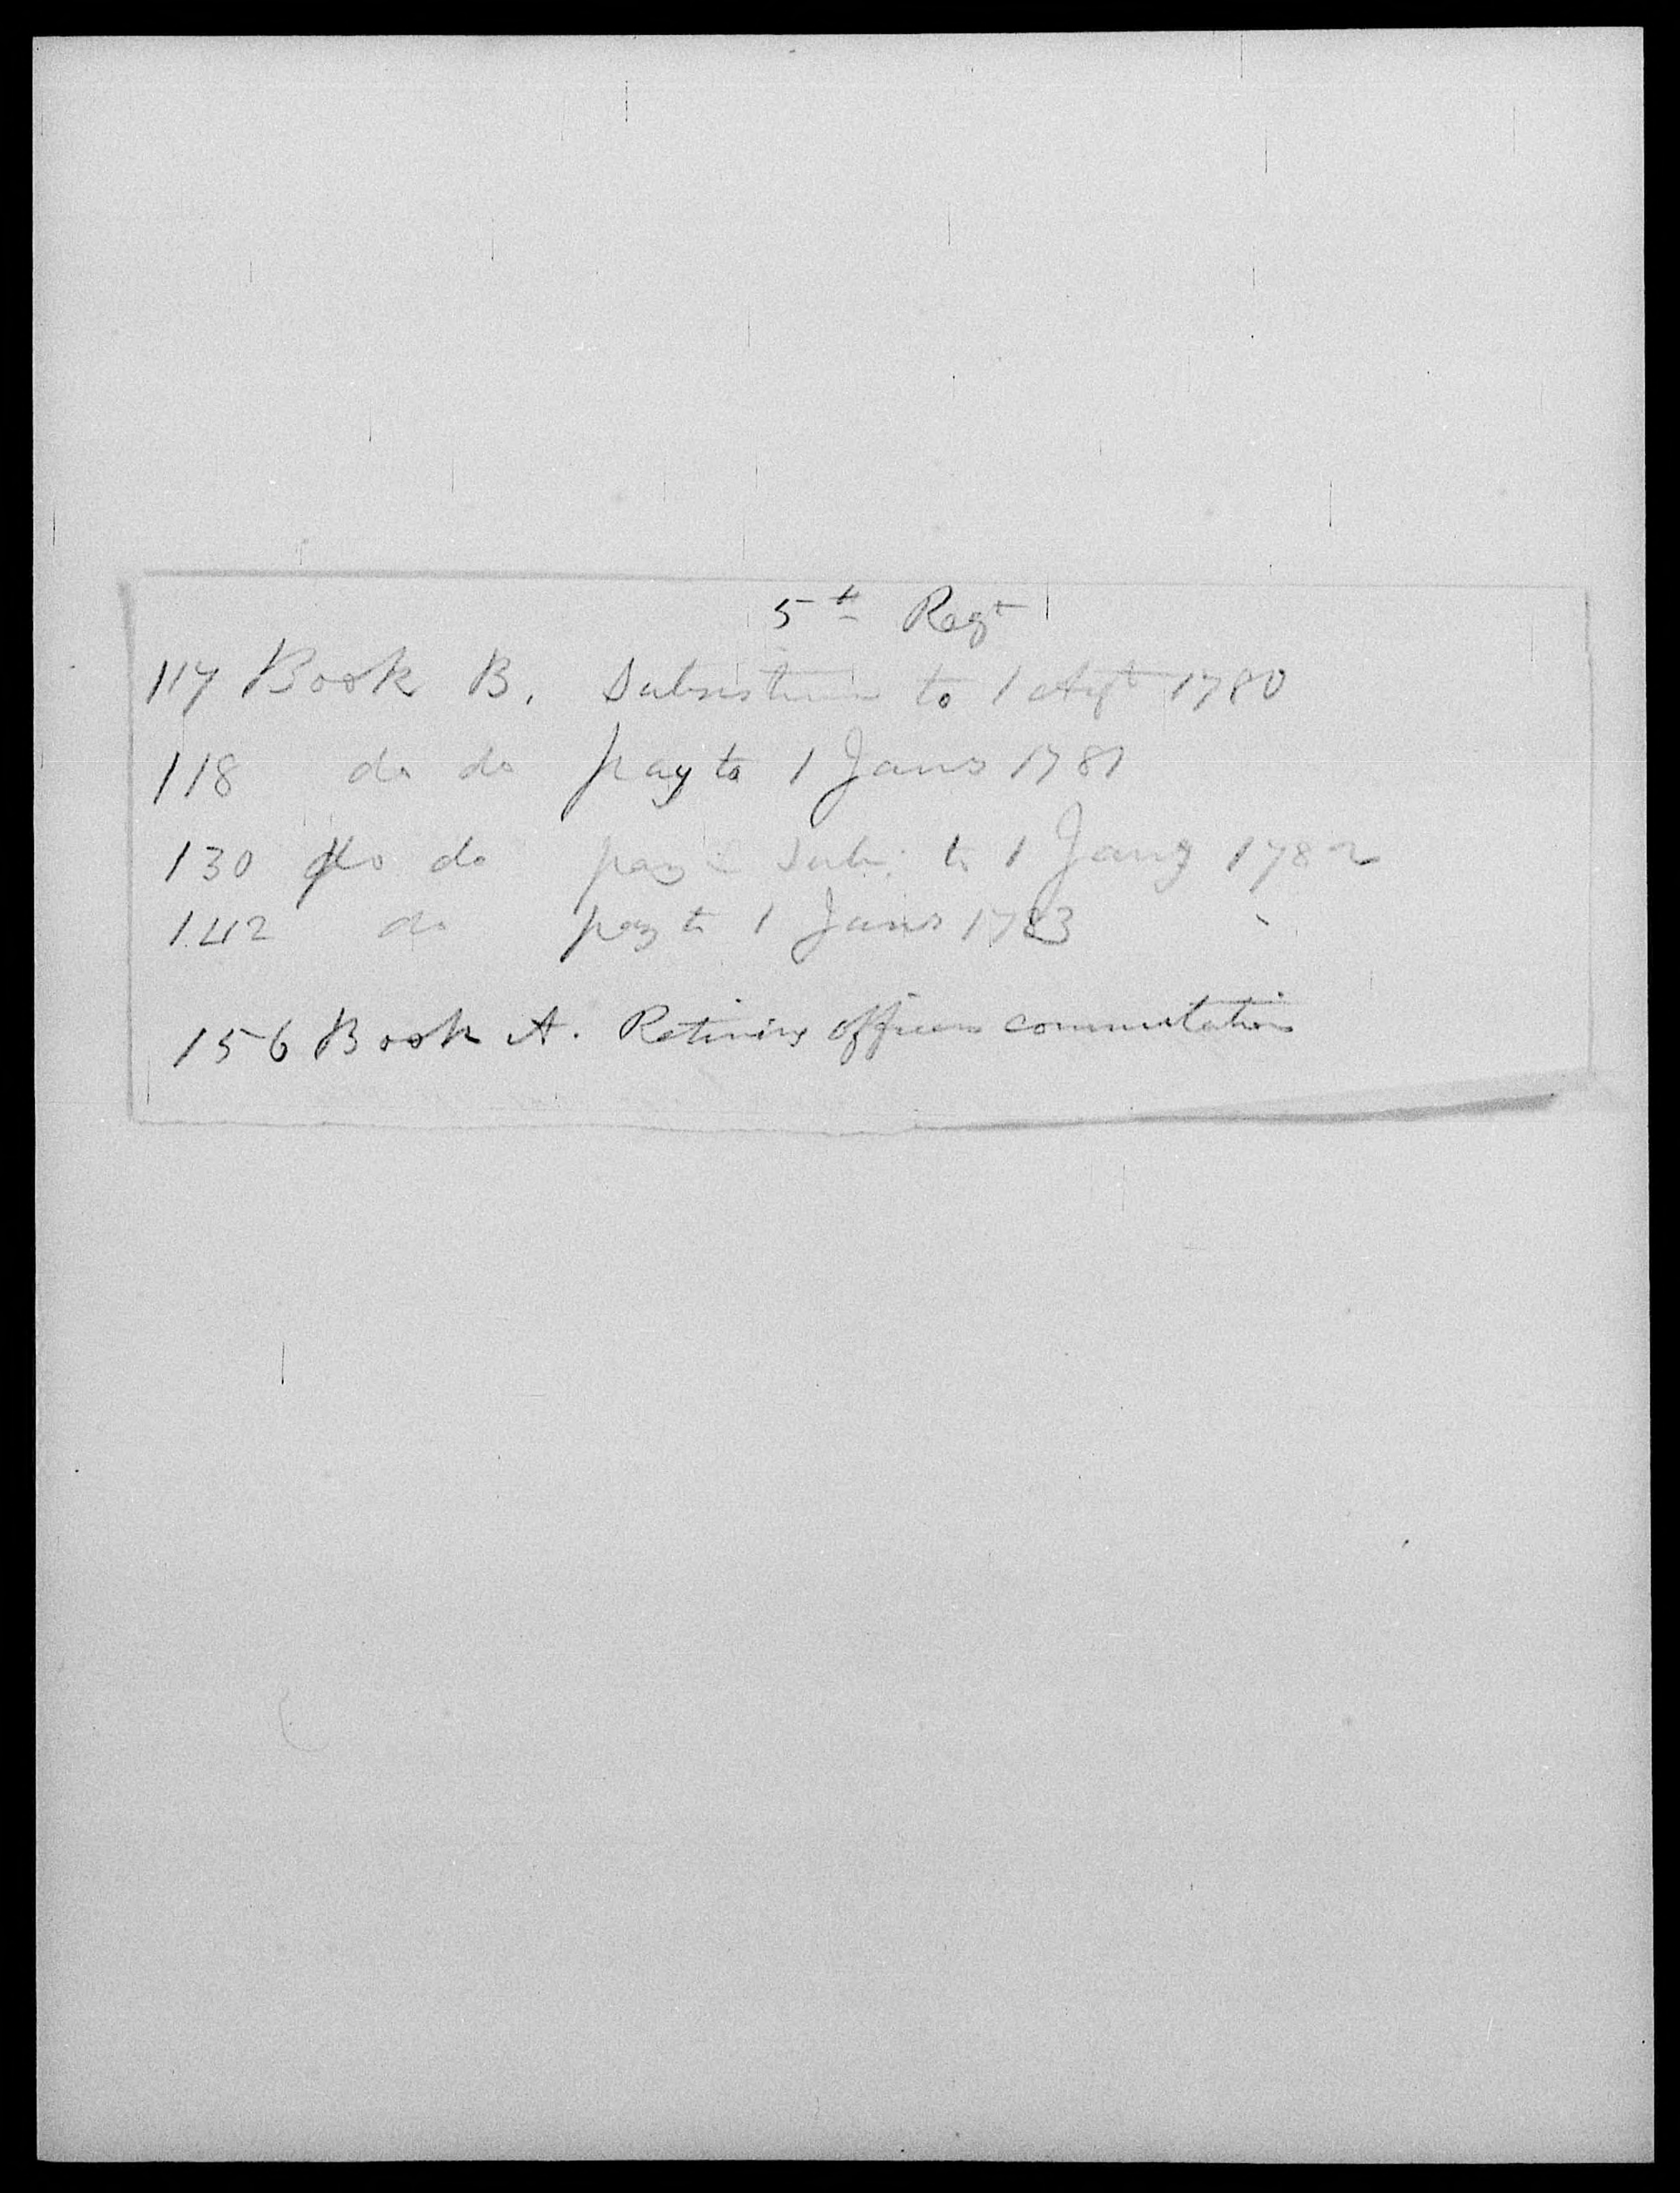5th Reg't
117 Book B. Subsistence to 1 Aug 1780
118   do   do pay to 1 Jan 1781
130   do   do pay to sub to 1 Jan 1782
142        do.   pay to 1 Jun 1783
156 Book A. Retiring officers commutations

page: 27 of 86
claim: widow's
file: W. 3571, for David Marshall, Pennsylvania